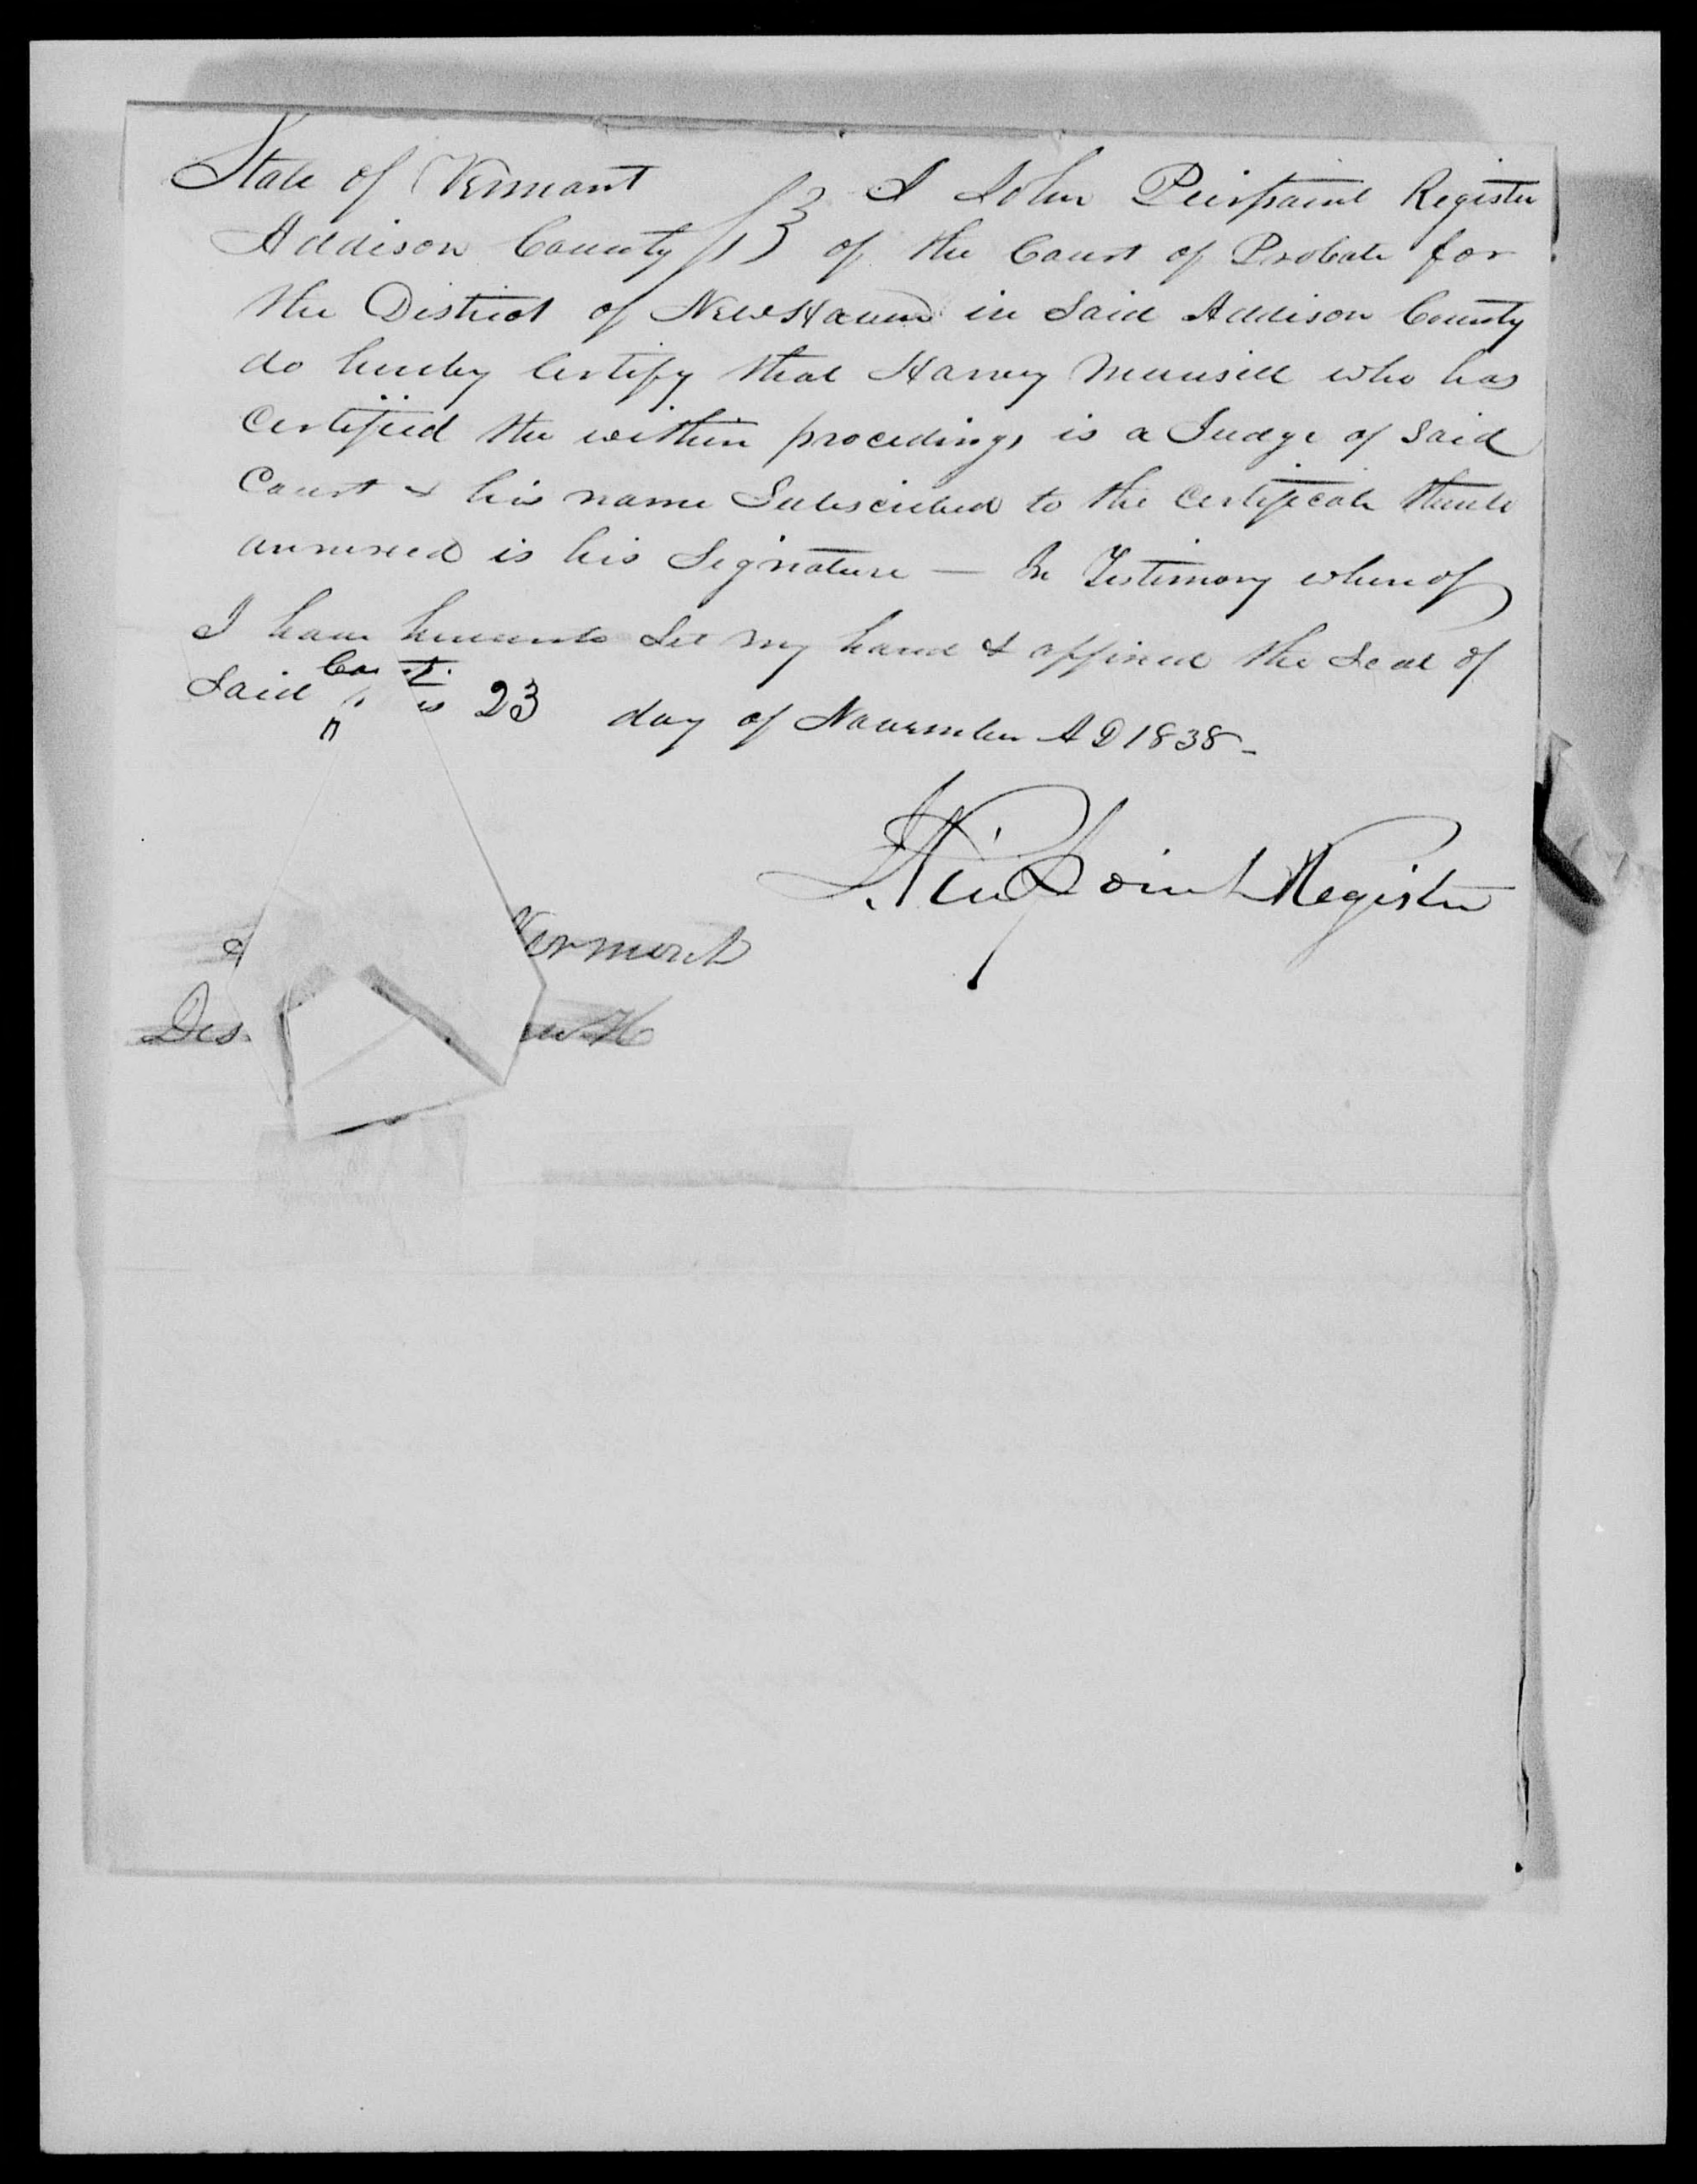State of Vermont
Addison County}

I John Peirpoint Register of the Court of Probate for the District of New Haven in said Addison County do hereby certify that Harvey Munsill who has certified the within proceedings is a Judge of said Court & his name subscribed to the certificate thereto annexed is his signature. In testimony whereof I have hereunto set my hand & affixed the seal of said Court this 23 day of November AD 1838.

J Peirpoint Register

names: J Peirpoint, Harvey Munsill, John Peirpoint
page: 7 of 62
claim: widow's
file: W. 21391, Robert Holley, Conn.